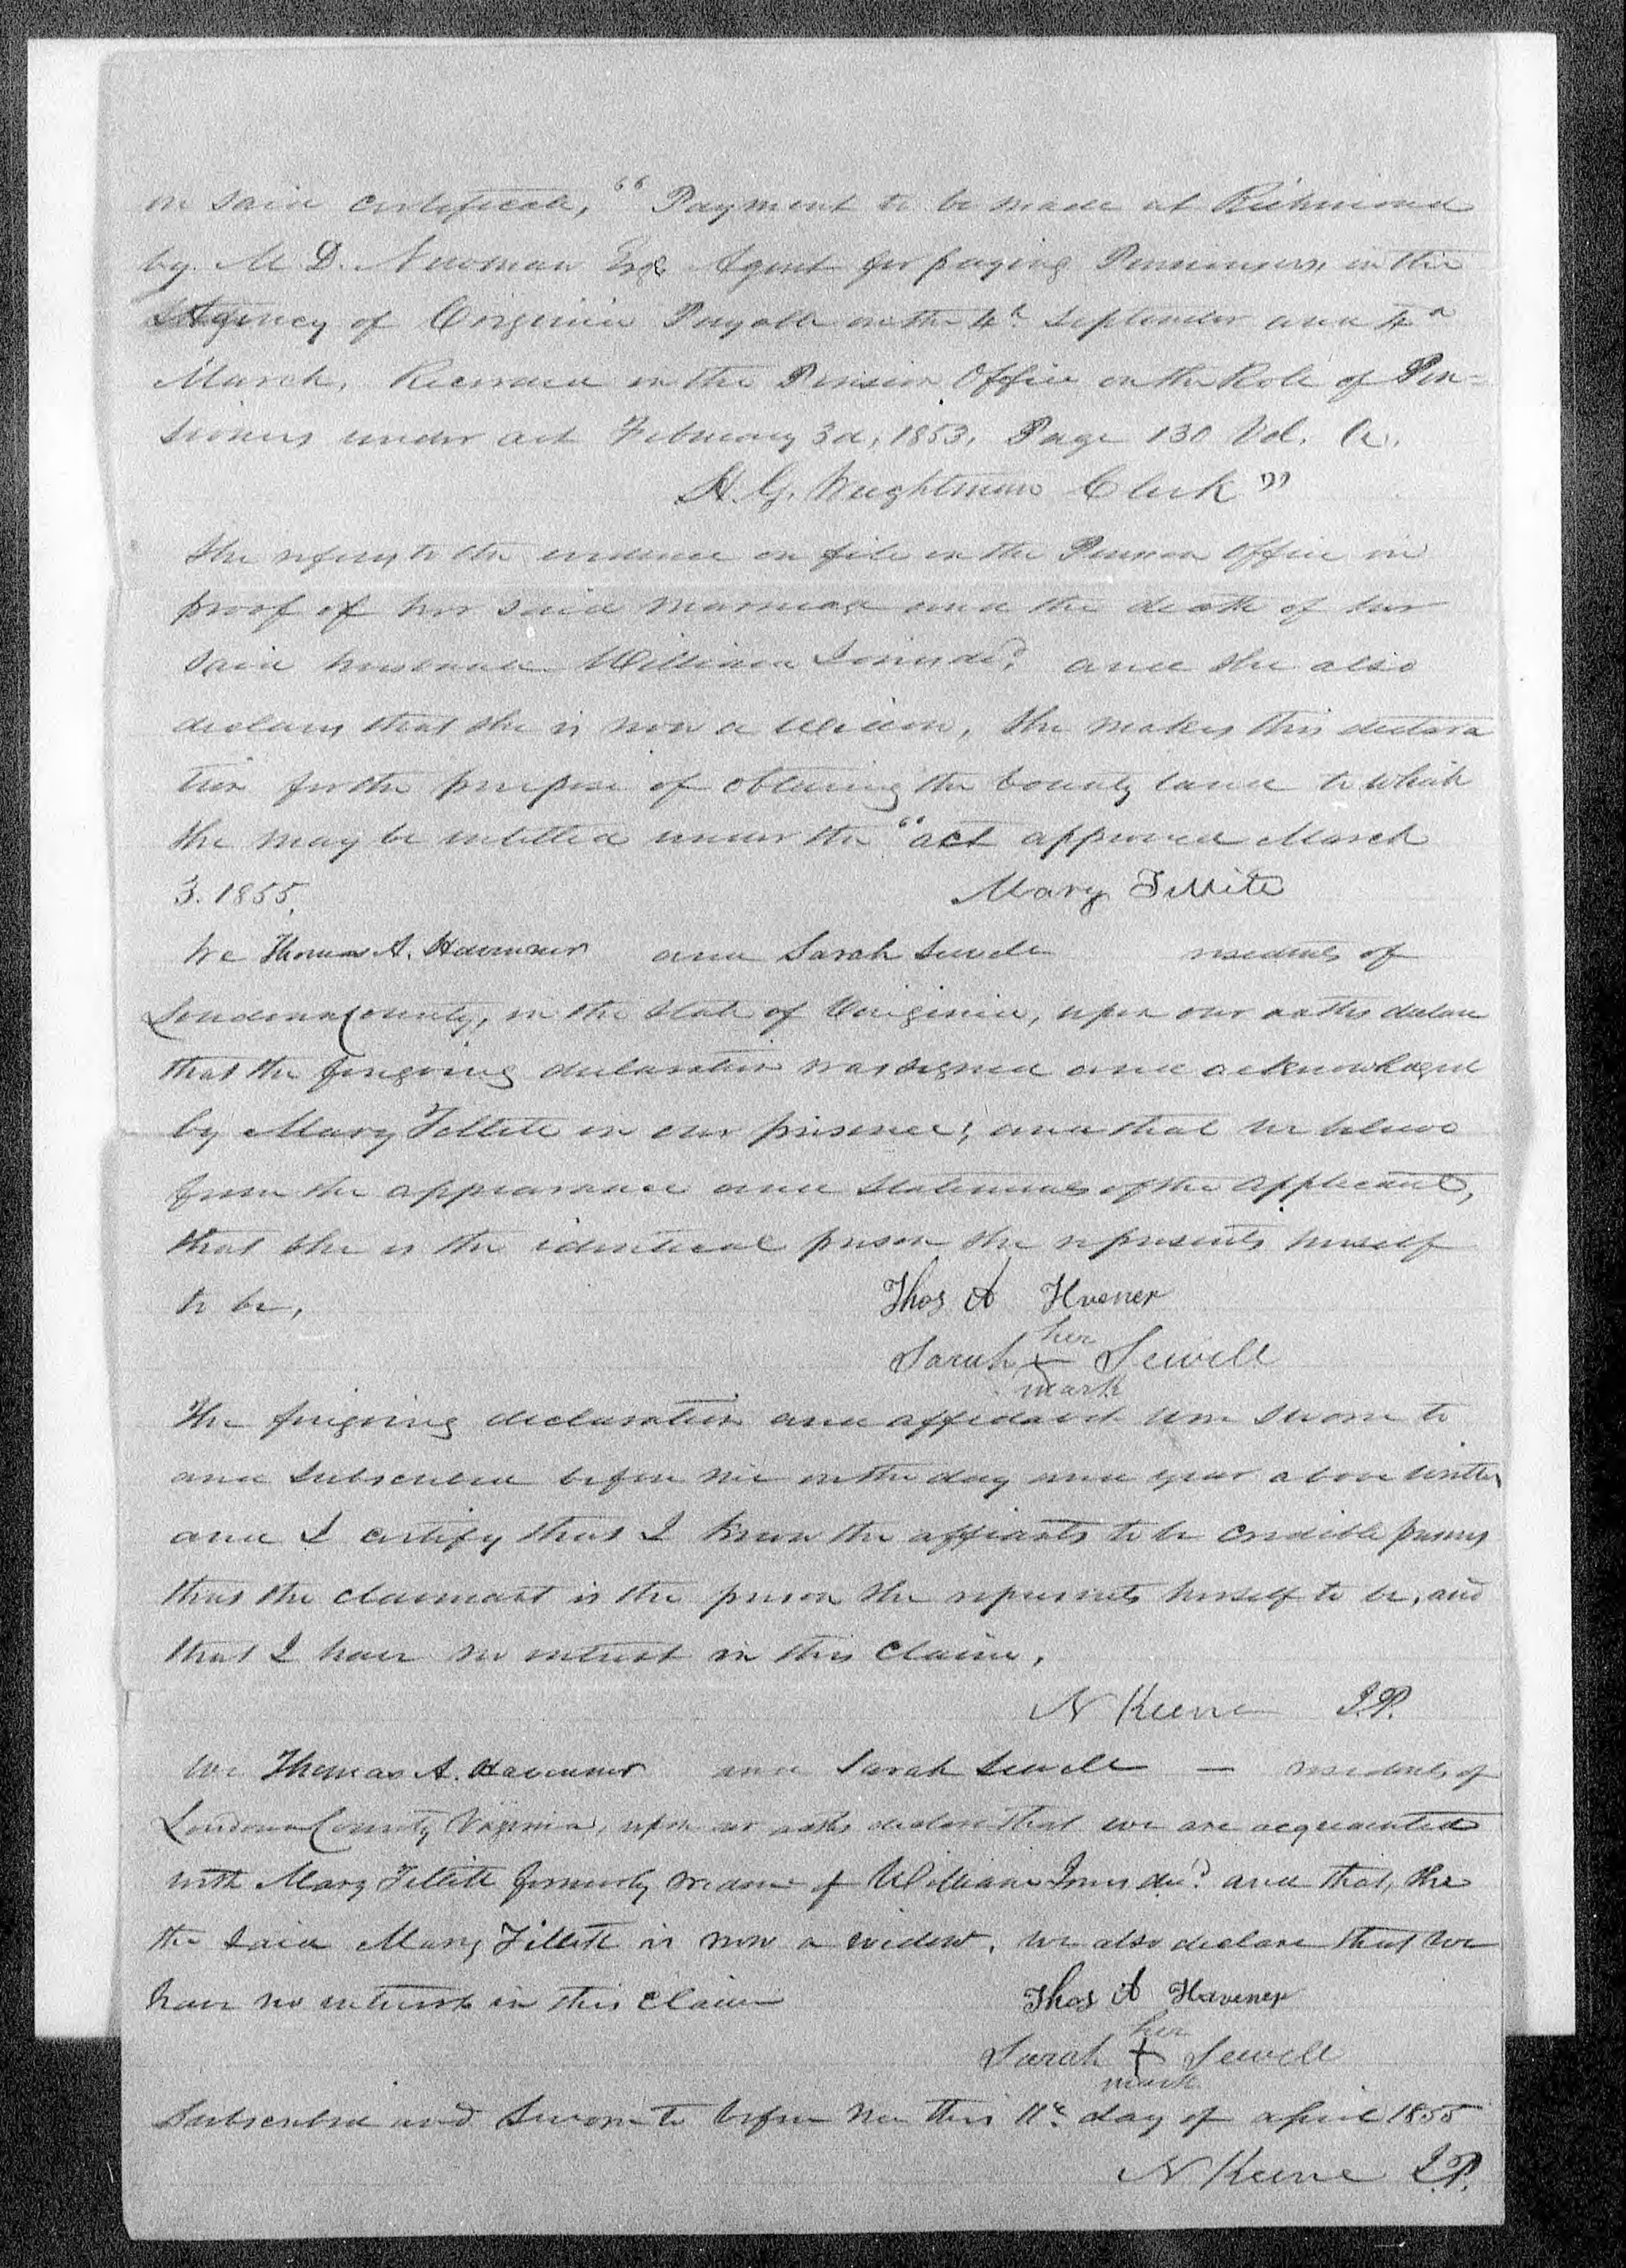in said certificate, "Payment to be made at Richmond by M D Newman Esq Agent for paying Pensioners in the Agency of Virginia Payable on the 4th September and 4th March. Received in the Pension Office on the Role of Pensioners under act February 3d, 1853, Page 130 Vol. A.
H.G. Weightman Clerk"

The referral[?] to the evidence on file in the Pension Office is proof of her said marriage and the death of her said husband William Jones de'd. and she also declares that she is now a widow. She makes this declaration for the purpose of obtaining the bounty land to which she may be entitles under the "act approved March 3. 1855.
We Thomas A. Havenner and Sarah Sewell residents of Loudoun County in the State of Virginia, upon our oaths declare that the foregoing declaration was signed and acknowledged by Mary Tellitt in our presence; and that we believe from the appearance and statements of the applicant, that she is the identical person she presents herself to be.
Thos. A Hvener
Sarah herXmark Sewell

The foregoing declaration and affidavit was sworn to and subscribed before me on the day and year above written and I certify that I know the affiants to be credible persons that the claimant is the person she represents herself to be, and that I have no interest in this claim.
N Keene. J.P.

We Thomas A. Havenner and Sarah Sewell -- residents of Loudoun County Virginia, upon our oaths declare that we are acquainted with Mary Tillett formerly widow of William Jones dec'd. and that she the said Mary Tillett is now a widow. We also declare that we have no interest in this claim.
Thos A Hvener
Sarah herXmark Sewell

Subscribed and Sworn to before me this 11th day of April 1855
H Keene J.P.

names: Mary Tellitt; Sarah Sewell; N Keene; M D Newman; Thomas A Havenner; H G Weightman; William Jones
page: 7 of 39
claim: widow's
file: W 6292, for William Jones, Maryland